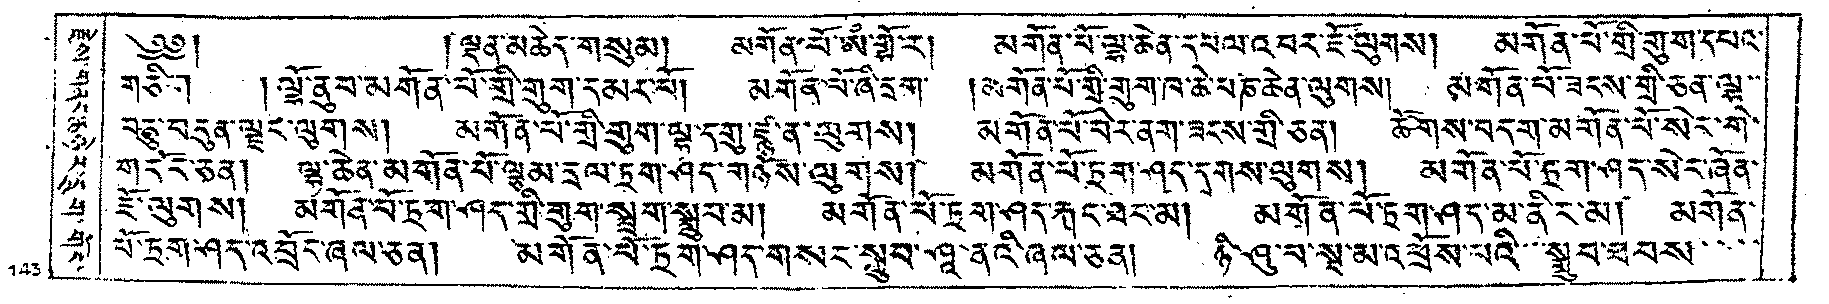༄༅། །ལྡན་མཆེད་གསུམ། མགོན་པོ་ཨཾ་གྷོ་ར། མགོན་པོ་ལྷ་ཆེན་དཔལ་འབར་ཇོ་ལུགས། མགོན་པོ་གྲི་གུག་དཔའ་
གཅིག །ལྷོ་ནུབ་མགོན་པོ་གྲི་གུག་དམར་པོ། མགོན་པོ་ཞི་དྲག །མགོན་པོ་གྲི་གུག་ཁ་ཆེ་པཎ་ཆེན་ལུགས། མགོན་པོ་ཟངས་གྲི་ཅན་ལྷ་
བཅུ་བདུན་ལྗང་ལུགས། མགོན་པོ་གྲི་གུག་ལྷ་དགུ་ཛྙ་ན་ལུགས། མགོན་པོ་བེར་ནག་ཟངས་གྲི་ཅན། ཚོགས་བདག་མགོན་པོ་སེང་གེ་
གདོང་ཅན། ལྷ་ཆེན་མགོན་པོ་ལྕམ་དྲལ་ཏྲག་ཤད་གཉོས་ལུགས། མགོན་པོ་ཏྲག་ཤད་དྲགས་ལུགས། མགོན་པོ་ཏྲག་ཤད་སེང་ཞོན་
ཇོ་ལུགས། མགོན་པོ་ཏྲག་ཤད་གྲི་གུག་སྦྲག་སྒྲུབ་མ། མགོན་པོ་ཏྲག་ཤད་རྐང་ཐང་མ། མགོན་པོ་ཏྲག་ཤད་མ་ནིང་མ། མགོན་
པོ་ཏྲག་ཤད་འབྲོང་ཞལ་ཅན། མགོན་པོ་ཏྲག་ཤད་གསང་སྒྲུབ་ཤཱ་ནའི་ཞལ་ཅན། ཉི་ཤུ་པ་སྔ་མ་འཕྲོས་པའི་སྒྲུབ་ཐབས་